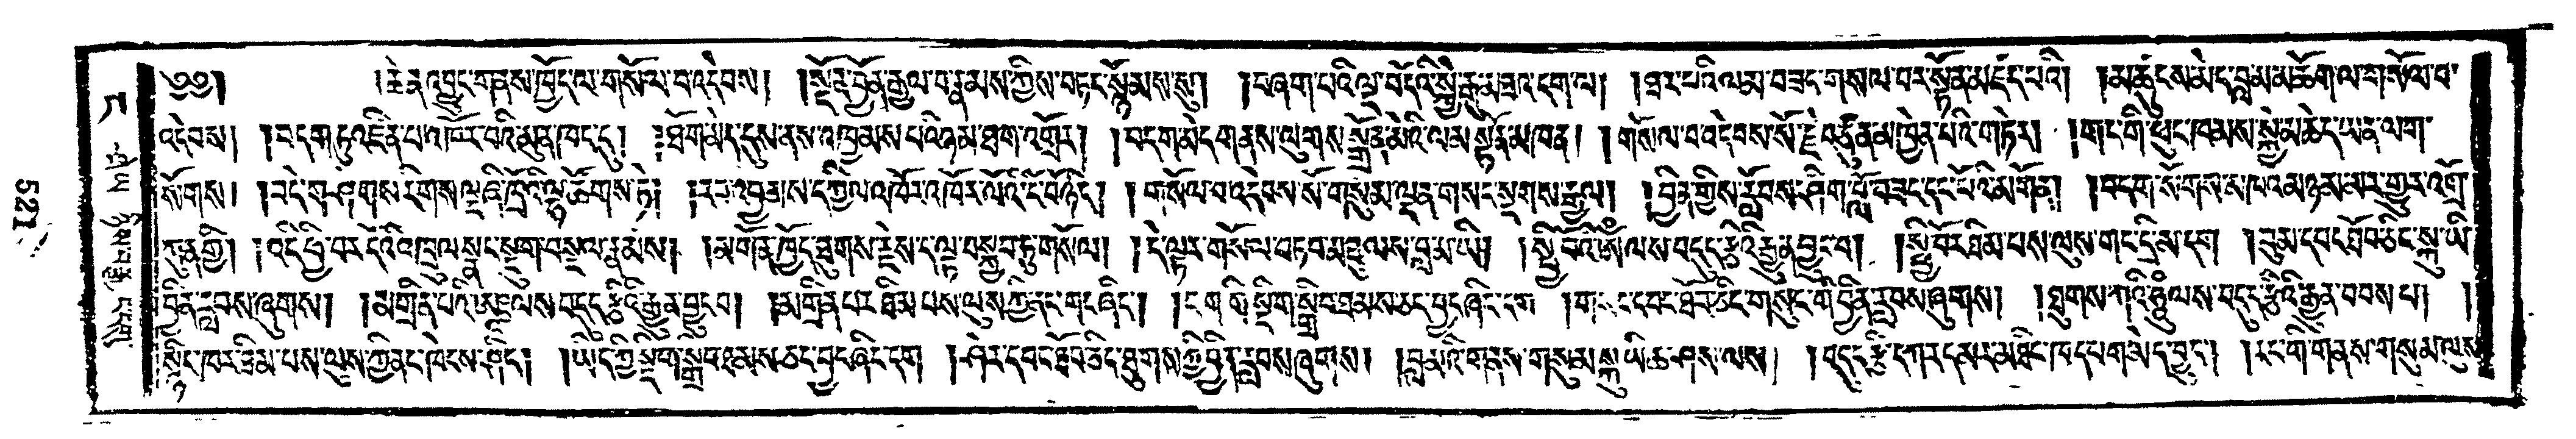༄༅། །ཆེན་འབྱུང་གནས་ཁྱོད་ལ་གསོལ་བ་འདེབས། །སྔོན་བྱོན་རྒྱལ་བ་རྣམས་ཀྱིས་བཏང་སྙོམས་སུ། །བཞག་པའི་ལྔ་བདོའི་སྐྱེ་རྒྱུ་མཐའ་དག་ལ། །ཐར་པའི་ལམ་བཟང་གསལ་བར་སྟོན་མཛད་པའི། །མཚུངས་མེད་བླ་མ་མཆོག་ལ་གསོལ་བ་
འདེབས། །བདག་ཏུ་འཛིན་པ་འཁོར་བའི་མུན་ཁང་དུ། །ཐོག་མེད་དུས་ནས་འཁྱམས་པའི་ཉམ་ཐག་འགྲོར། །བདག་མེད་གནས་ལུགས་སྒྲོན་མེའི་ལམ་སྟོན་མཁན། །གསོལ་བ་འདེབས་སོ་རྗེ་བཙུན་མཁྱེན་པའི་གཏེར། །གང་གི་ཕུང་ཁམས་སྐྱེ་མཆེད་ཡན་ལག་
སོགས། །བདེ་གཤེགས་རིགས་ལྔ་ཞི་ཁྲོའི་ལྷ་ཚོགས་ཏེ། །རབ་འབྱམས་དཀྱིལ་འཁོར་ལོའི་ངོ་བོ་ཉིད། །གསོལ་བ་འདེབས་སོ་གསུམ་ལྡན་གསང་སྔགས་རྒྱལ། །བྱིན་གྱིས་རློབས་ཤིག་བློ་བཟང་དང་པོའི་མགོན། །བདག་སོགས་མཁའ་མཉམ་མར་གྱུར་འགྲོ་
ཀུན་གྱི། །འདི་ཕྱི་བར་དེའི་འཁྲུལ་སྣང་སྡུག་བསྔལ་རྣམས། །མགོན་ཁྱོད་ཐུགས་རྗེས་ད་ལྟ་བསྐྱབ་ཏུ་གསོལ། །དེ་ལྟར་གསོལ་བཏབ་མཐུ་ལས་བླ་མ་ཡི། །སྤྱི་བོའི་ཨོཾ་ལས་བདུད་རྩིའི་རྒྱུན་བྱུང་བ། །སྤྱི་བོར་ཐིམ་པས་ལུས་གང་དྲི་མ་དག །བུམ་དབང་ཐོབ་ཅིང་སྐུ་ཡི་
བྱིན་རླབས་ཞུགས། །མགྲིན་པའི་ཨཱཿལས་བདུད་རྩིའི་རྒྱུན་བྱུང་བ། །མགྲིན་པར་ཐིམ་པས་ལུས་ཀྱི་ནང་གང་ཞིང་། །ངག་གི་སྡིག་སྒྲིབ་ཐམས་ཅད་བྱང་ཞིང་དག །གསང་དབང་ཐོབ་ཅིང་གསུང་གི་བྱིན་རླབས་ཞུགས། །ཐུགས་ཀའི་ཧཱུཾ་ལས་བདུད་རྩིའི་རྒྱུན་བབས་པ། །
སྙིང་ཁར་ཐིམ་པས་ལུས་ཀྱི་ནང་ཁེངས་ཤིང་། །ཡིད་ཀྱི་སྡིག་སྒྲིབ་ཐམས་ཅད་བྱང་ཞིང་དག །ཤེར་དབང་ཐོབ་ཅིང་ཐུགས་ཀྱི་བྱིན་རླབས་ཞུགས། །བླ་མའི་གནས་གསུམ་སྐུ་ཡི་ཆ་ཤས་ལས། །བདུད་རྩི་དཀར་དམར་མཐིང་ཁ་དཔག་མེད་བྱུང་། །རང་གི་གནས་གསུམ་ལུས་